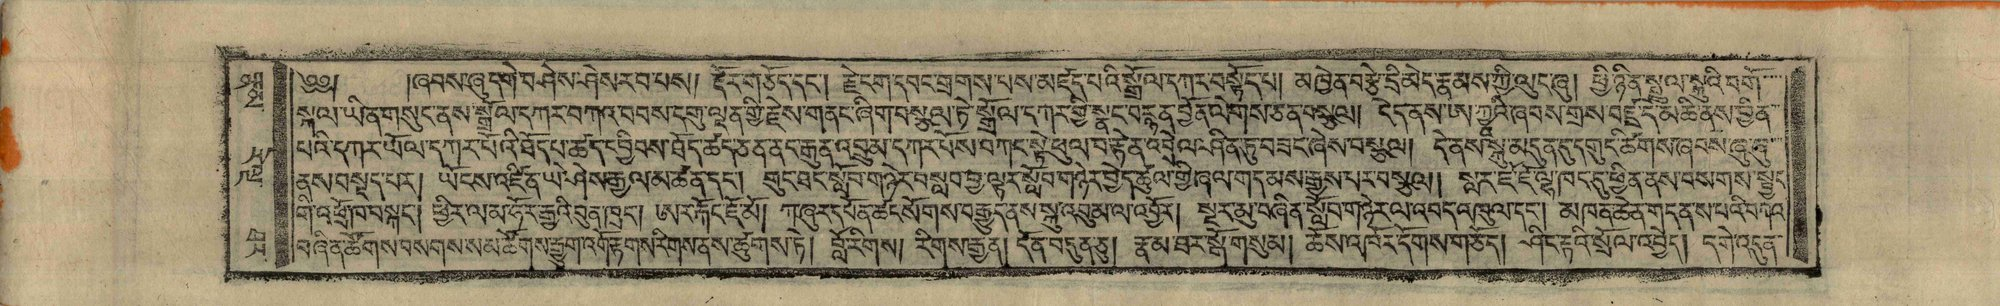༄༅། །ཞབས་ཞུ་དགེ་བཤེས་ཤེས་རབ་པས། རྡོར་གཅོད་དང་། རྗེ་ངག་དབང་གྲགས་པས་མཛད་པའི་སྒྲོལ་དཀར་བསྟོད་པ། མཁྱེན་བརྩེ་དྲི་མེད་རྣམས་ཀྱི་ལུང་ཞུ། ཕྱི་ཉིན་སྤྲུལ་སྐུའི་བགོ་
སྐལ་ཡིན་གསུང་ནས་སྒྲོལ་དཀར་བཀའ་བབས་དགུ་ལྡན་གྱི་རྗེས་གནང་ཞིག་བསྩལ་ཏེ་སྒྲོལ་དཀར་གྱི་སྣང་བརྙན་བྱོན་ལེགས་ཅན་བསྩལ། ངེད་ནས་ཨ་ཀྱཱའི་ཞབས་གྲས་བཛྲ་དེ་མཆི་ནས་བྱིན་
པའི་དཀར་ཡོལ་དཀར་པོའི་ཐོད་པ་ཚད་དབྱིབས་ཐོད་ཚད་ཅན་ནང་རྒུན་འབྲུམ་དཀར་པོས་བཀང་སྟེ་ཕུལ་བ་རྟེན་འབྲེལ་ཤིན་ཏུ་བཟང་ཞེས་བསྩལ། དེ་ནས་སྐུ་མདུན་དུ་དགུང་ཚིགས་ཞབས་ཞུ་ཞུ་
ནས་བསྡད་པར། ཡོངས་འཛིན་ཡེ་ཤེས་རྒྱལ་མཚན་དང་། གུང་ཐང་སློབ་གཉེར་བསླབ་བྱ་ལྟར་སློབ་གཉེར་བྱེད་ཚུལ་གྱི་ཞལ་གདམས་རྒྱས་པར་བསྩལ། སླར་ཇོ་ཇོ་ལྷ་ཁང་དུ་ཕྱིན་ནས་བསགས་སྦྱང་
གི་འཕྲོ་ཁ་བསྐང་། ཕྱིར་ལམ་ཧོར་རྒྱའི་བུན་ཁྲང་། ཨར་རྐོང་ཇོ་མོ། ཀ་ཞུར་དཔོན་ཚང་སོགས་བརྒྱུད་ནས་སྐུ་འབུམ་ལ་འབྱོར། སྔར་མུ་བཞིན་སློབ་གཉེར་ལ་འབད་འཁུལ་དང་། མཁན་ཆེན་གདན་ས་པའི་བཀའ་
བཞིན་ཚོགས་བསགས་སམ་ཚོགས་རྒྱུག་འགོ་རྟགས་རིགས་ནས་ཚུགས་ཏེ། བློ་རིགས། རིགས་རྒྱན། དོན་བདུན་ཅུ། རྣམ་ཐར་སྒོ་གསུམ། ཆོས་འཁོར་དོགས་གཅོད། ཤིང་རྟའི་སྲོལ་འབྱེད། དགེ་འདུན་